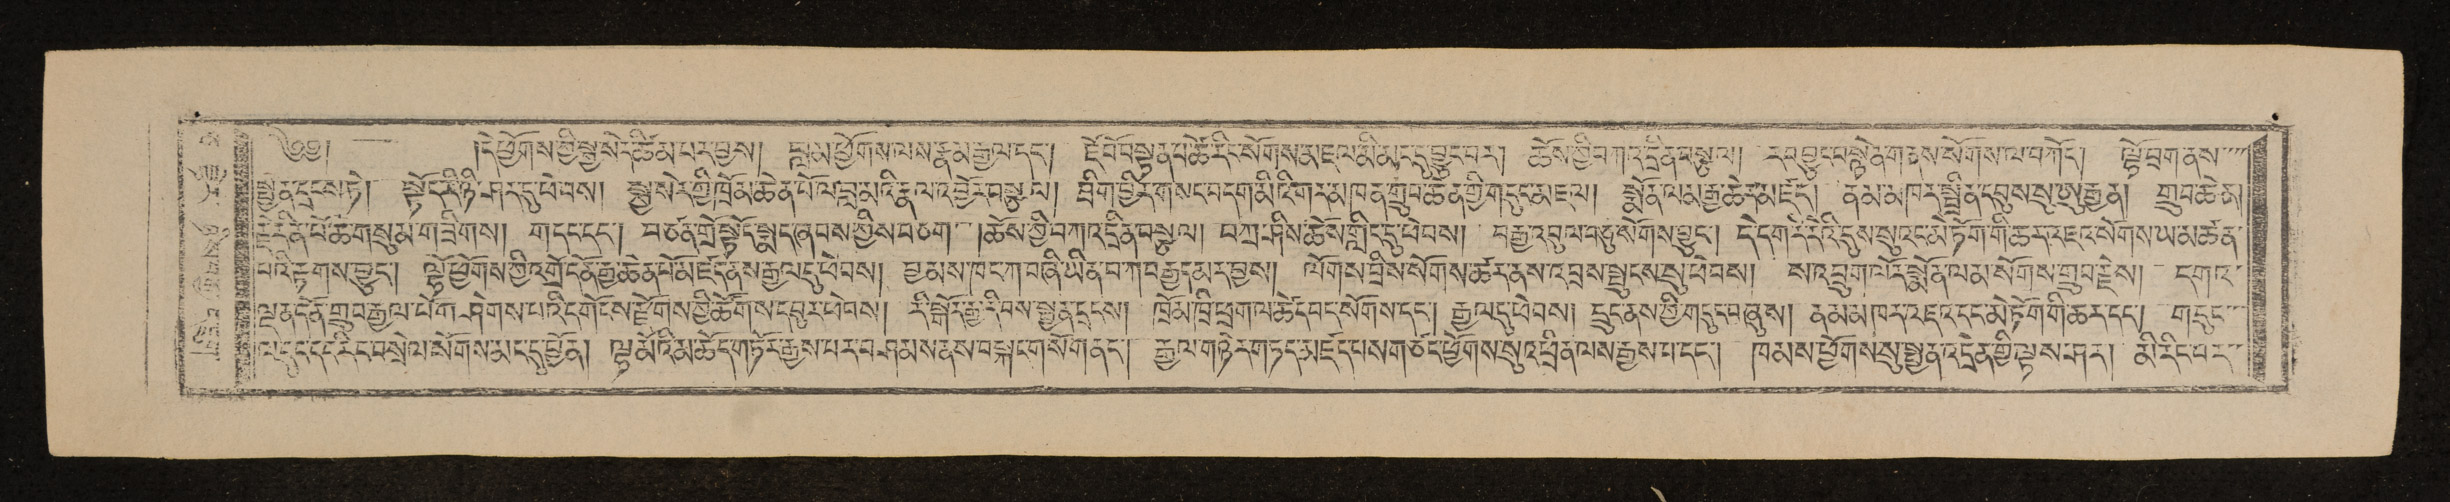༄༅། །དེ་ཕྱོགས་ཀྱི་སྐྱ་སེར་ཚིམ་པར་བྱས། བླ་མ་ཕྱོགས་ལས་རྣམ་རྒྱལ་དང་། ཇོ་བོ་བསྟན་པ་ཚེ་རིང་སོགས་མཇལ་མི་མང་དུ་བྱུང་བར། ཆོས་ཀྱི་བཀའ་དྲིན་བསྩལ། རབ་བྱུང་བསྙེན་གནས་སོགས་ལ་བཀོད། ལྷོ་བྲག་ནས་
སྤྱན་དྲངས་ཏེ། སྟོང་རི་ཉི་ཤར་དུ་ཕེབས། སྐྱ་སེར་གྱི་ཁྲོམ་ཆེན་པོ་ལ་བླ་མའི་རྣལ་འབྱོར་བསྩལ། ཐིག་བྱིར་གསང་བདག་མིའི་གར་མཁན་གྲུབ་ཆེན་གྱི་གདུང་མཇལ། སྨོན་ལམ་རྒྱ་ཆེར་མཛད། ནམ་མཁར་སྤྲིན་དབུས་སུ་ཨུ་རྒྱན། གྲུབ་ཆེན།
རྗེ་རིན་པོ་ཆེ་གསུམ་གཟིགས། གདང་དང་། བཙན་གྲོ་སྟོད་སྨད་ཞབས་ཀྱིས་བཅག །ཆོས་ཀྱི་བཀའ་དྲིན་བསྩལ། བཀྲ་ཤིས་ཆོས་གླིང་དུ་ཕེབས། བརྒྱ་འབུལ་བཅུ་སོགས་བྱུང་། དེ་དག་རེ་རེའི་དུས་སུའང་མེ་ཏོག་གི་ཆར་འཇའ་སོགས་ཡ་མཚན་
པའི་རྟགས་བྱུང་། ལྷོ་ཕྱོགས་ཀྱི་འགྲོ་དོན་རྒྱ་ཆེན་པོ་མཛད་ནས་རྒྱལ་དུ་ཕེབས། བྱམས་ཁང་ཀ་བཞི་ཡིན་པ་ཀ་བརྒྱད་མར་བྱས། ལོགས་བྲིས་སོགས་ཚར་ནས་འབྲས་སྤུངས་སུ་ཕེབས། ས་འབྲུག་ལོར་སྨོན་ལམ་སོགས་གྲུབ་རྗེས། དགའ་
ལྡན་དོན་གྲུབ་རྒྱལ་པོ་གཤེགས་པའི་དགོངས་རྫོགས་ཀྱི་ཚོགས་དབུར་ཕེབས། རི་སྒོར་རྒྱ་རི་བས་སྤྱན་དྲངས། ཁྲོམ་ཁྲི་ཕྲག་ལ་ཚེ་དབང་སོགས་དང་། རྒྱལ་དུ་ཕེབས། དྲུང་ནས་ཀྱི་གདུང་བཞུས། ནམ་མཁར་འཇའ་དང་མེ་ཏོག་གི་ཆར་དང་། གདུང་
ལ་དུང་དང་རིང་བསྲེལ་སོགས་མང་དུ་བྱོན། ལྷ་མོའི་མཆོད་གཏོར་རྒྱས་པར་བཤམས་ནས་བསྐང་གསོ་གནང་། རྒྱལ་གཉེར་གཏད་མཛད་པས་གཙང་ཕྱོགས་སུ་འཕྲིན་ལས་རྒྱས་པ་དང་། ཁམས་ཕྱོགས་སུ་སྤྱན་འདྲེན་གྱི་ལྟས་ཤང་། མི་རིང་བར་